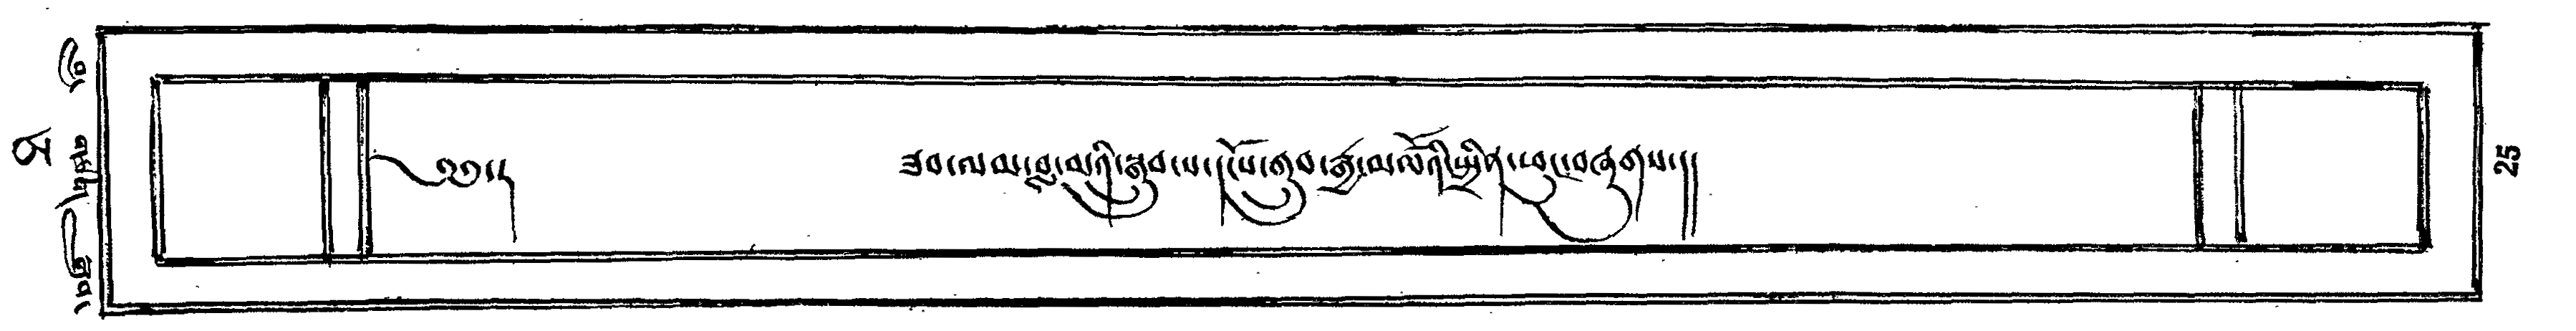༄༅། ཟབ་ལམ་བླ་མའི་སྒྲུབ་པ་དངོས་གྲུབ་རྒྱ་མཚོའི་སྤྲིན་ཕུང་བཞུགས།